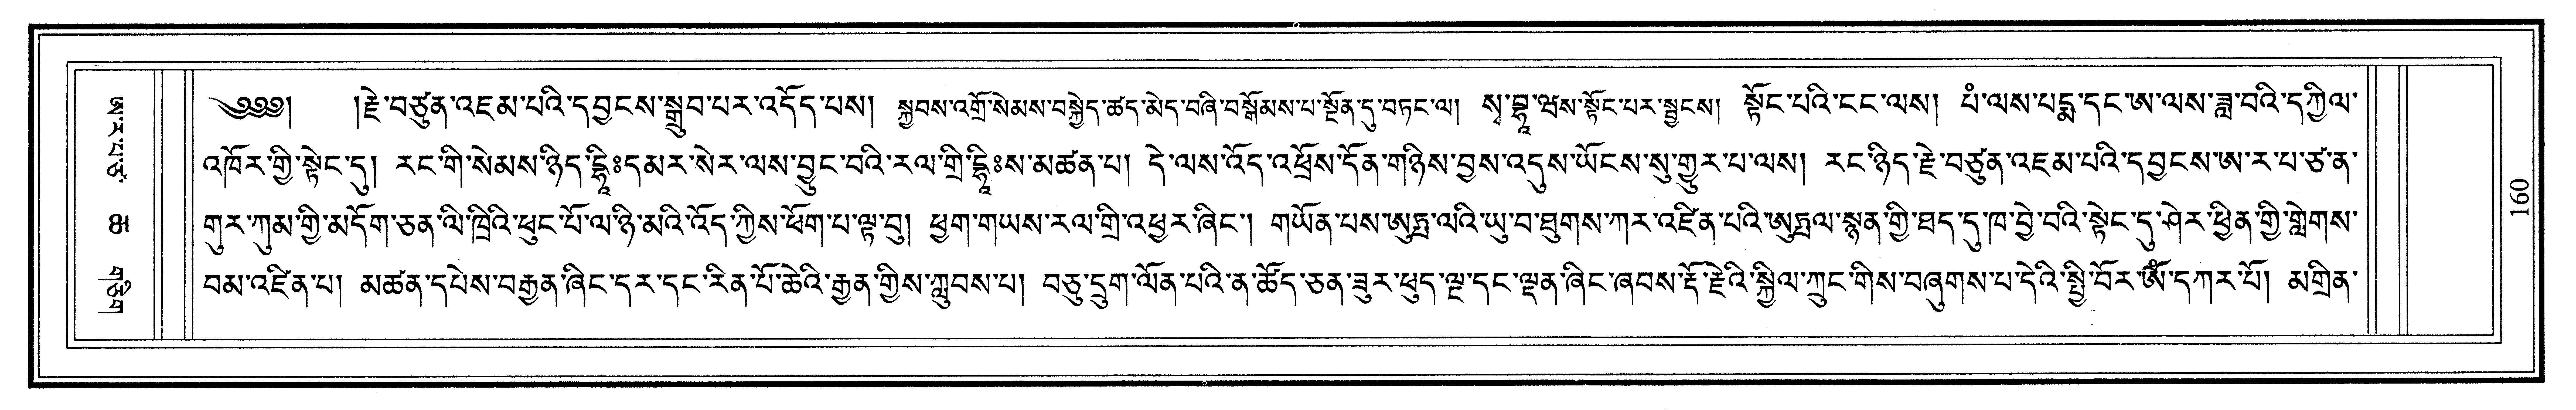༄༅༅། །རྗེ་བཙུན་འཇམ་པའི་དབྱངས་སྒྲུབ་པར་འདོད་པས། སྐྱབས་འགྲོ་སེམས་བསྐྱེད་ཚད་མེད་བཞི་བསྒོམས་པ་སྔོན་དུ་བཏང་ལ། སྭ་བྷཱ་ཝས་སྟོང་པར་སྦྱངས། སྟོང་པའི་ངང་ལས། པཾ་ལས་པདམ་དང་ཨ་ལས་ཟླ་བའི་དཀྱིལ་
འཁོར་གྱི་སྟེང་དུ། རང་གི་སེམས་ཉིད་དྷཱིཿ དམར་སེར་ལས་བྱུང་བའི་རལ་གྲི་དྷཱིཿ ས་མཚན་པ། དེ་ལས་འོད་འཕྲོས་དོན་གཉིས་བྱས་འདུས་ཡོངས་སུ་གྱུར་པ་ལས། རང་ཉིད་རྗེ་བཙུན་འཇམ་པའི་དབྱངས་ཨ་ར་པ་ཙ་ན་
གུར་ཀུམ་གྱི་མདོག་ཅན་ལི་ཁྲིའི་ཕུང་པོ་ལ་ཉི་མའི་འོད་ཀྱིས་ཕོག་པ་ལྟ་བུ། ཕྱག་གཡས་རལ་གྲི་འཕྱར་ཞིང་། གཡོན་པས་ཨུཏྤ་ལའི་ཡུ་བ་ཐུགས་ཀར་འཛིན་པའི་ཨུཏྤལ་སྙན་གྱི་ཐད་དུ་ཁ་བྱེ་བའི་སྟེང་དུ་ཤེར་ཕྱིན་གྱི་གླེགས་
བམ་འཛིན་པ། མཚན་དཔེས་བརྒྱན་ཞིང་དར་དང་རིན་པོ་ཆེའི་རྒྱན་གྱིས་ཀླུབས་པ། བཅུ་དྲུག་ལོན་པའི་ན་ཚོད་ཅན་ཟུར་ཕུད་ལྔ་དང་ལྡན་ཞིང་ཞབས་རྡོ་རྗེའི་སྐྱིལ་ཀྲུང་གིས་བཞུགས་པ་དེའི་སྤྱི་བོར་ཨོཾ་དཀར་པོ། མགྲིན་